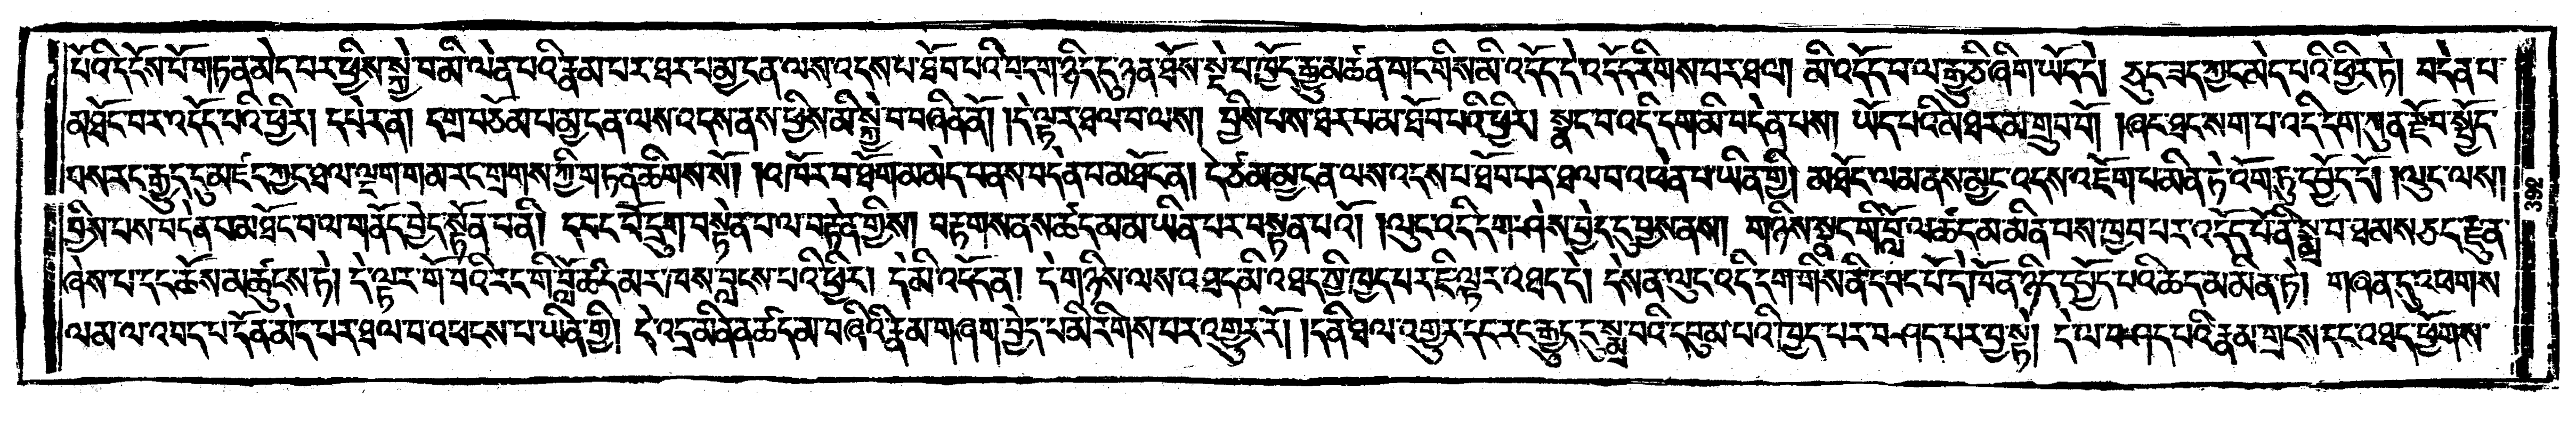པོའི་དངོས་པོ་གཏན་མེད་པར་ཕྱིས་སྐྱེ་བ་མི་ལེན་པའི་རྣམ་པར་ཐར་པ་མྱ་ངན་ལས་འདས་པ་ཐོབ་པའི་བདག་ཉིད་དུ་ཉན་ཐོས་སྡེ་པ་ཁྱོད་རྒྱུ་མཚན་གང་གིས་མི་འདོད་དེ་འདོད་རིགས་པར་ཐལ། མི་འདོད་པ་ལ་རྒྱུ་ཅི་ཞིག་ཡོད་དེ། ཅུང་ཟད་ཀྱང་མེད་པའི་ཕྱིར་ཏེ། བདེན་པ་
མཐོང་བར་འདོད་པའི་ཕྱིར། དཔེར་ན། དགྲ་བཅོམ་པ་མྱ་ངན་ལས་འདས་ནས་ཕྱིས་མི་སྐྱེ་བ་བཞིན་ནོ། །དེ་ལྟར་ཐལ་བ་ལས། བྱིས་པས་ཐར་པ་མ་ཐོབ་པའི་ཕྱིར། སྣང་བ་འདི་དག་མི་བདེན་པས། ཡོད་པའི་མཐར་མ་གྲུབ་བོ། །ཞང་ཐང་སག་པ་འདི་དག་ཀུན་རྫོབ་སྤྱོད་
པས་རང་རྒྱུད་དུ་མཛད་ཀྱང་ཐལ་ལྡག་གམ་རང་གྲགས་ཀྱི་གཏན་ཚིགས་སོ། །འཁོར་བ་ཐོག་མ་མེད་པ་ནས་བདེན་པ་མཐོང་ན། དེ་ཙམ་མྱ་ངན་ལས་འདས་པ་ཐོབ་པར་ཐལ་བ་འཕེན་པ་ཡིན་གྱི། མཐོང་ལམ་ནས་མྱང་འདས་འཇོག་པ་མིན་ཏེ་འོག་ཏུ་དཔྱོད་དོ། །ལུང་ལས།
བྱིས་པས་བདེན་པ་མཐོང་བ་ལ་གནོད་བྱེད་སྟོན་པ་ནི། དབང་པོ་དྲུག་བསྟེན་པ་ལ་བརྟེན་གྱིས། བརྟགས་ནས་ཚད་མ་མ་ཡིན་པར་བསྟན་པའོ། །ལུང་འདི་དག་ཤེས་བྱེད་དུ་བྱས་ནས། གཉིས་སྣང་གི་བློ་ལ་ཚད་མ་མིན་པས་ཁྱབ་པར་འདོད་པོ་ནི་སྨྲ་བ་ཐམས་ཅད་རྫུན་
ཞེས་པ་དང་ཆོས་མཚུངས་ཏེ། དེ་ལྟར་གོ་བའི་རང་གི་བློ་ཚད་མར་ཁས་བླངས་པའི་ཕྱིར། དེ་མི་འདོད་ན། དེ་གཉིས་ལས་འཐད་མི་འཐད་ཀྱི་ཁྱད་པར་ཇི་ལྟར་འཐད་དེ། དེས་ན་ལུང་འདི་དག་གིས་ནི་དབང་པོ་དེ་ཁོ་ན་ཉིད་དཔྱོད་པའི་ཆད་མ་མིན་ཏེ། གཞན་དུ་འཕགས་
ལམ་ལ་འབད་པ་དོན་མེད་པར་ཐལ་བ་འཕངས་པ་ཡིན་གྱི། དེ་འདྲ་མིན་ན་ཚད་མ་བཞིའི་རྣམ་གཞག་བྱེད་པ་མི་རིགས་པར་འགྱུར་རོ། །ད་ནི་ཐལ་འགྱུར་དང་རང་རྒྱུད་དུ་སྨྲ་བའི་དབུ་མ་པའི་ཁྱད་པར་བཤད་པར་བྱ་སྟེ། དེ་ལ་བཤད་པའི་རྣམ་གྲངས་དང་འཐད་ཕྱོགས་